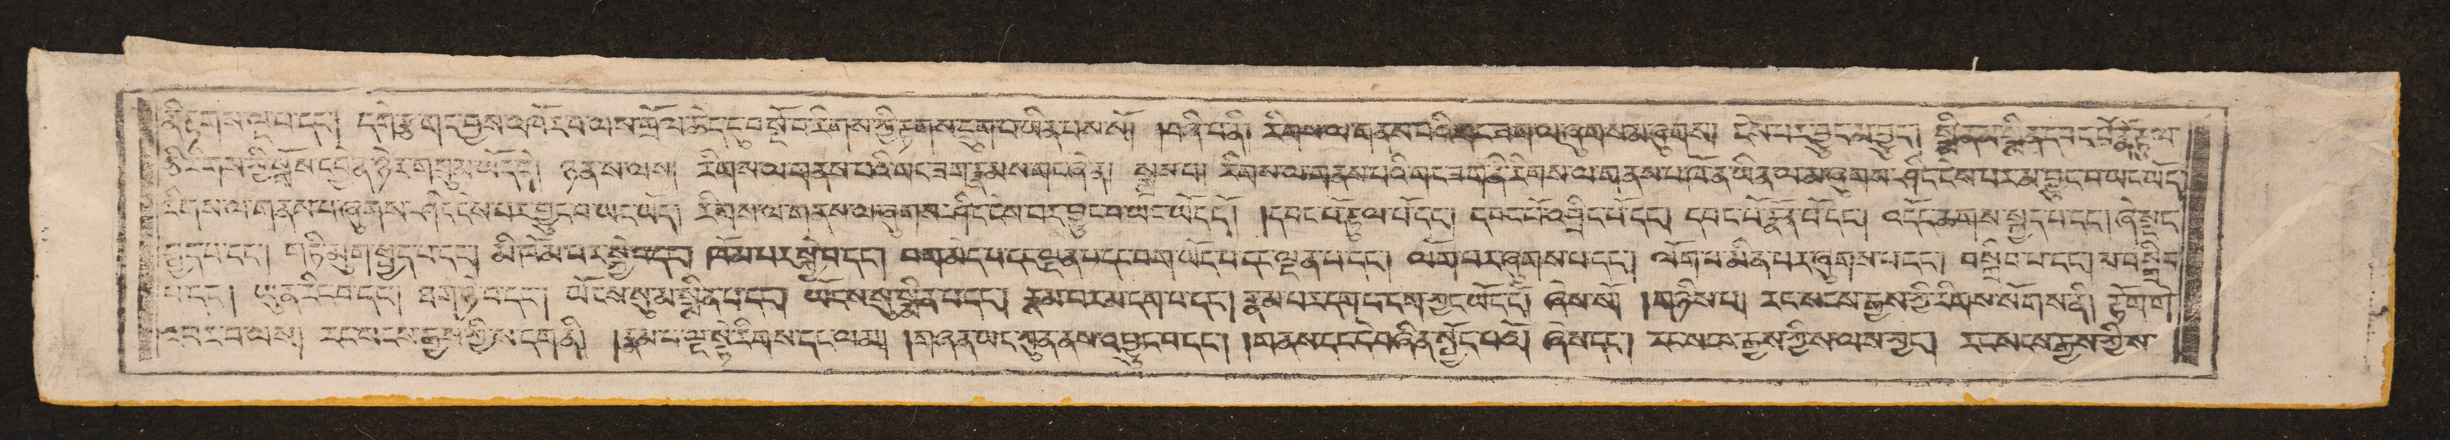ནི་རྟགས་ལྔ་པ་དང་། དགེ་རྩ་གང་བྱས་འཁོར་བ་ལས་གྲོལ་ཆེད་དུ་བསྔོ་བ་རིགས་ཀྱི་རྟགས་དྲུག་པ་ཡིན་པས་སོ། །བཞི་པ་ནི། རིགས་ལ་གནས་པའི་གང་ཟག་ལ་ཞུགས་མ་ཞུགས། ངེས་པར་བྱུང་མ་བྱུང་། སྨིན་མ་སྨིན་དབང་པོ་རྣོ་རྟུལ་
ཅི་རིགས་ཀྱི་སྒོས་དབྱེན་ཉེར་གསུམ་ཡོད་དེ། ཉན་ས་ལས། རིགས་ལ་གནས་པའི་གང་ཟག་རྣམས་གང་ཞེ་ན། སྨྲས་པ། རིགས་ལ་གནས་པའི་གང་ཟག་ནི་རིགས་ལ་གནས་པ་ཁོ་ན་ཡིན་ལ་མ་ཞུགས་ཤིང་ངེས་པར་མ་བྱུང་བ་ཡང་ཡོད་
རིགས་ལ་གནས་པ་ཞུགས་ཤིང་ངེས་པར་བྱུང་བ་ཡང་ཡོད། རིགས་ལ་གནས་ལ་ཞུགས་ཤིང་ངེས་པར་བྱུང་བ་ཡང་ཡོད་དོ། །དབང་པོ་རྟུལ་པོ་དང་། དབང་པོ་འབྲིང་པོ་དང་། དབང་པོ་རྣོན་པོ་དང་། འདོད་ཆགས་སྦྱད་པ་དང་། ཞེ་སྡང་
སྤྱད་པ་དང་། གཏི་མུག་སྤྱད་པ་དང་། མི་ཁོམ་པར་སྐྱེ་བ་དང་། ཁོམ་པར་སྐྱེ་བ་དང་། བག་མེད་པ་དང་ལྡན་པ་དང་བག་ཡོད་པ་དང་ལྡན་པ་དང་། ལོག་པར་ཞུགས་པ་དང་། ལོག་པ་མིན་པར་ཞུགས་པ་དང་། བསྒྲིབ་པ་དང་། མ་བསྒྲིབ་
པ་དང་། ཡུན་རིང་བ་དང་། ཐག་ཉེ་བ་དང་། ཡོངས་སུ་མ་སྨིན་པ་དང་། ཡོངས་སུ་སྨིན་པ་དང་། རྣམ་པར་མ་དག་པ་དང་། རྣམ་པར་དག་པ་དག་ཀྱང་ཡོད་དོ། ཞེས་སོ། །གཉིས་པ། རང་སངས་རྒྱས་ཀྱི་རིགས་སོགས་ནི། རྟོག་གེ་
འབར་བ་ལས། རང་སངས་རྒྱས་ཀྱི་ས་དག་ནི། །རྣམ་པ་ལྔ་སྟེ་རིགས་དང་ལམ། །གཞན་ཡང་ཀུན་ནས་འབྱུང་བ་དང་། །གནས་དང་དེ་བཞིན་སྤྱོད་པའོ། ཞེས་དང་། རང་སངས་རྒྱས་ཀྱི་ས་ལས་ཀྱང་། རང་སངས་རྒྱས་ཀྱི་ས་